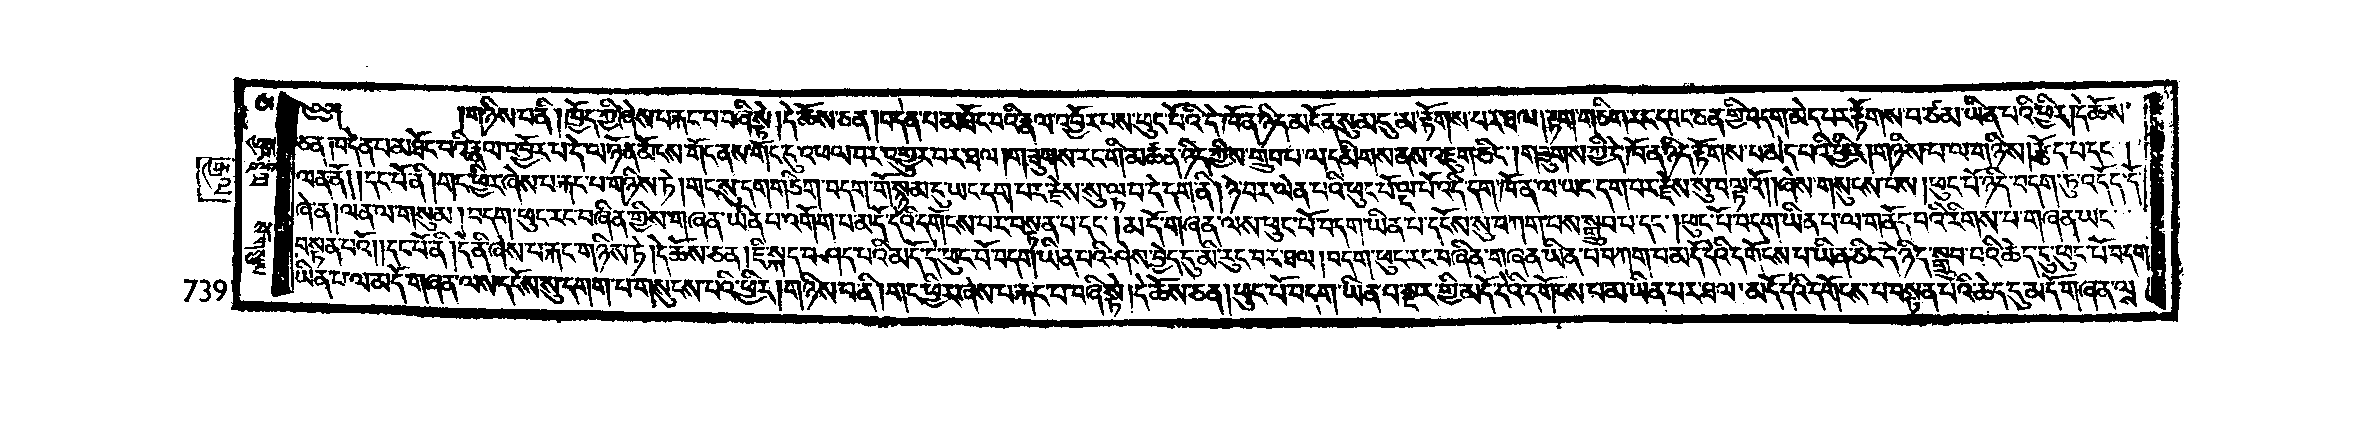༄༅། །གཉིས་པ་ནི། ཁྱོད་ཀྱི་ཞེས་པ་རྐང་པ་བཞི་སྟེ། དེ་ཆོས་ཅན། བདེན་པ་མཐོང་བའི་རྣལ་འབྱོར་པས་ཕུང་པོའི་དེ་ཁོ་ན་ཉིད་མངོན་སུམ་དུ་མ་རྟོགས་པར་ཐལ། རྟག་གཅིག་རང་དབང་ཅན་གྱི་བདག་མེད་པར་རྟོགས་པ་ཙམ་ཡིན་པའི་ཕྱིར། དེ་ཆོས་
ཅན། བདེན་པ་མཐོང་བའི་རྣལ་འབྱོར་པ་དེ་ལ་ཉོན་མོངས་གོང་ནས་གོང་དུ་འཕལ་བར་འགྱུར་བར་ཐལ། གཟུགས་རང་གི་མཚན་ཉིད་ཀྱིས་གྲུབ་པ་ལ་དམིགས་ནས་འཇུག་ཅིང་། གཟུགས་ཀྱི་དེ་ཁོ་ན་ཉིད་རྟོགས་པ་མེད་པའི་ཕྱིར། གཉིས་པ་ལ་གཉིས། རྩོད་པ་དང་།
ལན་ནོ། །དང་པོ་ནི། གང་ཕྱིར་ཞེས་པ་རྐང་པ་གཉིས་ཏེ། གང་སུ་དགག་ཅིག་བདག་གོ་སྙམ་དུ་ཡང་དག་པར་རྗེས་སུ་ལྟ་བ་དེ་དག་ནི། ཉེ་བར་ལེན་པའི་ཕུང་པོ་ལྔ་པོ་འདི་དག་ཁོ་ན་ལ་ཡང་དག་པར་རྗེས་སུ་བལྟའོ། །ཞེས་གསུངས་པས། ཕུང་པོ་ཉིད་བདག་ཏུ་འདོད་དོ་
ཞེ་ན། ལན་ལ་གསུམ། བདག་ཕུང་རང་བཞིན་གྱིས་གཞན་ཡིན་པ་འགོག་པ་མདོ་དེའི་དགོངས་པར་བསྟན་པ་དང་། མདོ་གཞན་ལས་ཕུང་པོ་བདག་ཡིན་པ་དངོས་སུ་བཀག་པས་སྒྲུབ་པ་དང་། ཕུང་པོ་བདག་ཡིན་པ་ལ་གནོད་པའི་རིགས་པ་གཞན་ཡང་
བསྟན་པའོ། །དང་པོ་ནི། དེ་ནི་ཞེས་པ་རྐང་གཉིས་ཏེ། དེ་ཆོས་ཅན། ཇི་སྐད་བཤད་པའི་མདོ་དེ་ཕུང་པོ་བདག་ཡིན་པའི་ཤེས་བྱེད་དུ་མི་རུང་བར་ཐལ། བདག་ཕུང་རང་བཞིན་གཞན་ཡིན་པ་བཀག་པ་མདོ་དེའི་དགོངས་པ་ཡིན་ཅིང་དེ་ཉིད་སྒྲུབ་པའི་ཆེད་དུ་ཕུང་པོ་བདག་
ཡིན་པ་ལ་མདོ་གཞན་ལས་དངོས་སུ་དགག་པ་གསུངས་པའི་ཕྱིར། གཉིས་པ་ནི། གང་ཕྱིར་ཞེས་པ་རྐང་པ་བཞི་སྟེ། དེ་ཆོས་ཅན། ཕུང་པོ་བདག་ཡིན་པ་སྔར་གྱི་མདོ་དེའི་དགོངས་པ་མ་ཡིན་པར་ཐལ་མདོ་དེའི་དགོངས་པ་བསྟན་པའི་ཆེད་དུ་མདོ་གཞན་ལས་